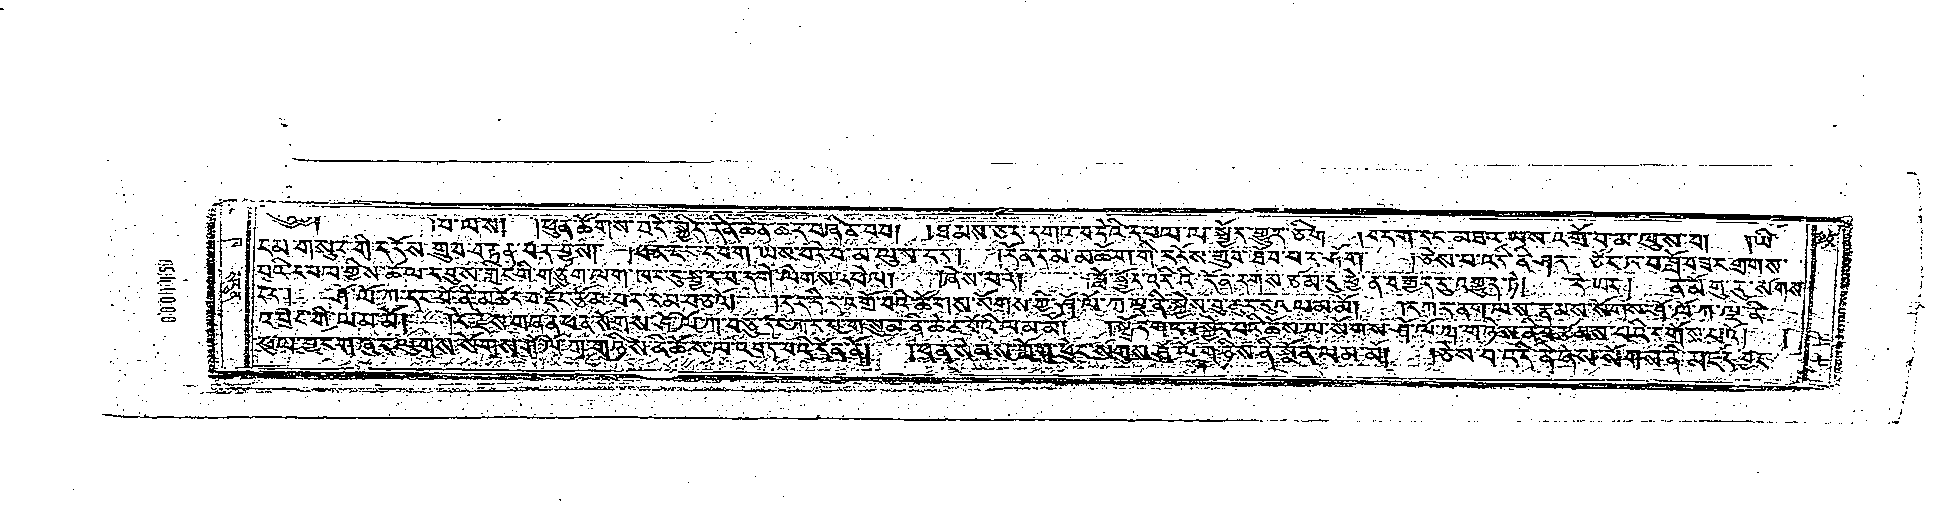༄༅། །པ་ལས། །ཕུན་ཚོགས་བདེ་སྐྱིད་རིན་ཆེན་ཆར་བཞིན་བབ། །ཐམས་ཅད་དགའ་བདེའི་དཔལ་ལ་སྤྱོད་གྱུར་ཅིག །བདག་དང་མཐའ་ཡས་འགྲོ་བ་མ་ལུས་པ། །ཡི་
དམ་གསུང་གི་དངོས་གྲུབ་བརྟན་བར་བྱས། །ཕན་དང་དབག་ཡས་བདེ་བ་མ་ལུས་དང་། །དོན་དམ་མཆོག་གི་དངོས་གྲུབ་ཐོབ་པར་ཤོག །ཅེས་པ་འདི་ནི་ཤར་ཙོང་འ?་བ་བློ་བཟང་གྲགས་
པའི་དཔལ་གྱིས་ཚལ་དབུས་གླིང་གི་གཙུག་ལག་ཁང་དུ་སྦྱར་བ་དགེ་ལེགས་འཕེལ། །ཞེས་པའི། །བློ་སྦྱོང་འདིའི་དོན་རགས་ཙམ་དུ་ཕྱེ་ན་བརྒྱད་དུ་འགྱུར་ཏེ། དེ་ཡང་། ན་མོ་གུ་རུ་སོགས་
དང་། ཤོ་ལོ་ཀ་དང་བོ་ནི་མཆོད་བརྗོད་རྩོམ་པར་དམ་བཅའོ། །དར་དིང་འགྲོ་བའི་ཚོགས་སོགས་ཀྱི་ཤོ་ལོ་ཀ་ལྔ་ནི་སྐྱེ་བུ་ཆུང་དུའ་ལམ་མོ། །དཀར་ནག་ལས་རྣམས་སོགས་ཤོ་ལོ་ཀ་ལྔ་ནི་
འབྲེང་གི་ལམ་མོ། །དེ་རྗེས་གཞན་ཕན་སོགས་ཤོ་ལོ་ཀ་བཅུ་དང་རྐང་པ་གསུམ་ནི་ཆེན་པོའི་ལམ་མོ། །སྤྲོ་དགའ་བསྐྱེད་བའི་ཆོས་ལ་སོགས་ཤོ་ལོ་ཀ་གཉིས་ནི་བརྩམས་པའི་དགོས་པའོ། །
ཕུལ་བྱང་གཞུང་ལུགས་སོགས་ཤོ་ལོ་ཀ་གཉིས་ནི་ཆོས་ལ་འབད་པའི་དོན་ནོ། །ཕན་སེམས་གློག་ཕྲེང་སོགས་ཤོ་ལོ་ཀ་གཉིས་ནི་སྨོན་ལམ་མོ། །ཅེས་བ་འདི་ནི་ཞེས་སོགས་ནི་མཛད་བྱད་